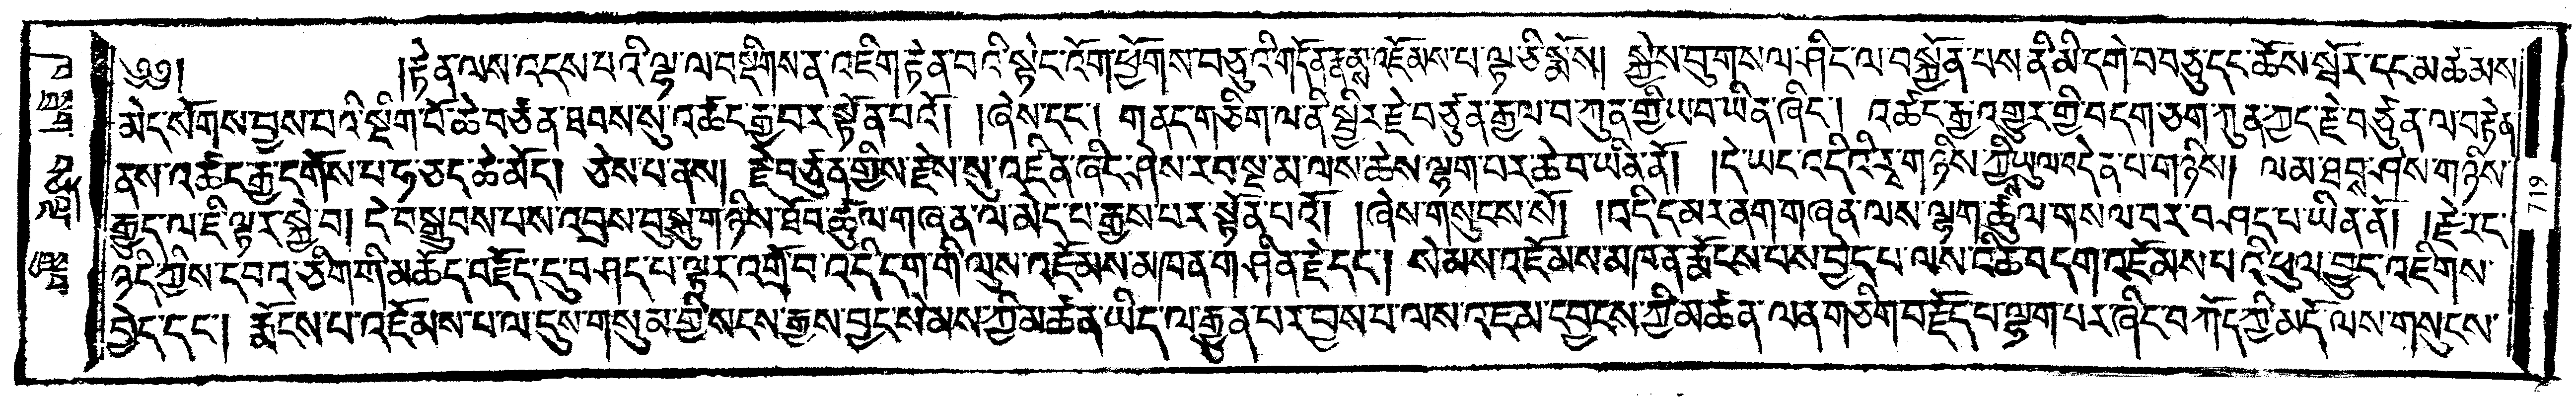༄༅། །རྟེན་ལས་འདས་པའི་ལྷ་ལ་བསྡིགས་ན་འཇིག་རྟེན་བའི་སྟེང་འོག་ཕྱོགས་བཅུའི་གདོན་རྣམས་འཇོམས་པ་ལྟ་ཅི་སྨོས། སྐྱེས་བུ་གསལ་ཤིང་ལ་བསྐྱོན་པས་ནི་མི་དགེ་བ་བཅུ་དང་ཆོས་སྦྱོར་དང་མཚམས་
མེད་སོགས་བྱས་པའི་སྡིག་པོ་ཆེ་བཙན་ཐབས་སུ་འཚང་རྒྱ་བར་སྟོན་པའོ། །ཞེས་དང་། གནད་གཅིག་ལ་ནི་སྤྱིར་རྗེ་བཙུན་རྒྱལ་བ་ཀུན་གྱི་ཡབ་ཡིན་ཞིང་། འཚང་རྒྱ་འགྱུར་གྱི་བདག་ཅག་ཀུན་ཀྱང་རྗེ་བཙུན་ལ་བརྟེན་
ནས་འཚང་རྒྱ་དགོས་པ་ཧ་ཅང་ཆེ་མོད། ཅེས་པ་ནས། རྗེ་བཙུན་གྱིས་རྗེས་སུ་འཛིན་ཞིང་ཤེས་རབ་སྔ་མ་ལས་ཆེས་ལྷག་པར་ཆེ་བ་ཡིན་ནོ། །དེ་ཡང་འདིའི་རྭ་གཉིས་ཀྱི་ཡུལ་བདེན་པ་གཉིས། ལམ་ཐབས་ཤེས་གཉིས་
རྒྱུད་ལ་ཇི་ལྟར་སྐྱེ་བ། དེ་བསྒྲུབས་པས་འབྲས་བུ་སྐུ་གཉིས་ཐོབ་ཚུལ་གཞན་ལ་མེད་པ་རྒྱས་པར་སྟོན་པའོ། །ཞེས་གསུངས་སོ། །འདི་དམར་ནག་གཞན་ལས་ལྷག་ཚུལ་གསལ་བར་བཤད་པ་ཡིན་ནོ། །རྗེ་རང་
ཉིད་ཀྱིས་དཔའ་ཅིག་གི་མཆོད་བརྗོད་དུ་བཤད་པ་ལྟར་འགྲོ་བ་འདི་དག་གི་ལུས་འཇོམས་མཁན་གཤིན་རྗེ་དང་། སེམས་འཇོམས་མཁན་རྨོངས་པས་བྱེད་པ་ལས་འཆི་བདག་འཇོམས་པའི་ཕུལ་བྱུང་འཇིགས་
བྱེད་དང་། རྨོངས་པ་འཇོམས་པ་ལ་དུས་གསུམ་གྱི་སངས་རྒྱས་བྱང་སེམས་ཀྱི་མཚན་ཡིད་ལ་རྒྱུན་པར་བྱས་པ་ལས་འཇམ་དབྱངས་ཀྱི་མཚན་ལན་གཅིག་བརྗོད་པ་ལྷག་པར་ཞིང་བཀོད་ཀྱི་མདོ་ལས་གསུངས་